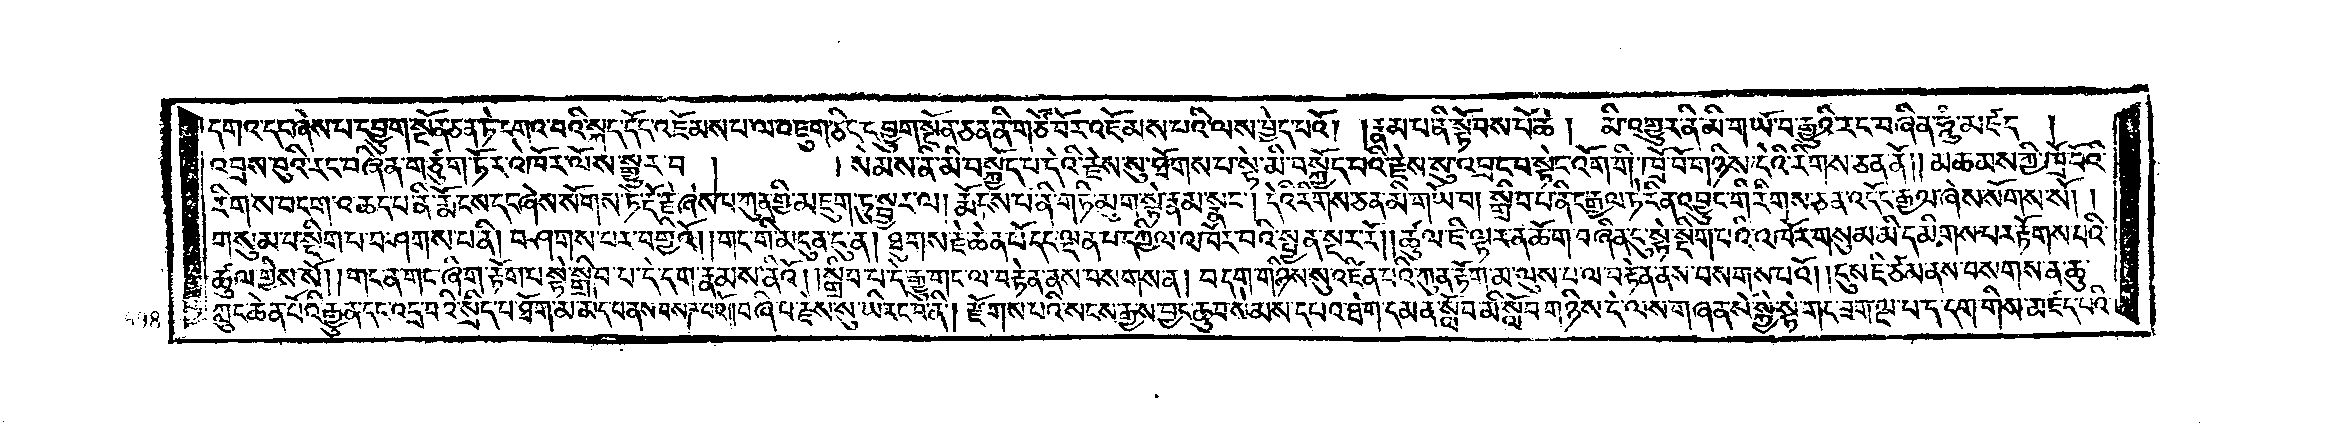དགའ་དང་ཞེས་པ་དབྱུག་སྔོན་ཅན་ཏེ་དགའ་བའི་སྐད་དོད་འཇོམས་པ་ལ་འཇུག་ཅིང་དབྱུག་སྔོན་ཅན་ནི་གཙོ་བོར་འཇོམས་པའི་ལས་བྱེད་པའོ། །རྣམ་པ་ནི་སྟོབས་པོ་ཆེ། མི་འགྱུར་ནི་མི་གཡོ་བ་རྒྱུའི་རང་བཞིན་ཧཱུཾ་མཛད།
འབྲས་བུའི་རང་བཞིན་གཙུག་ཏོར་འཁོར་ལོས་སྒྱུར་བ། །སེམས་ནི་མི་བསྐྱོད་པ་དེའི་རྗེས་སུ་ཐོགས་པ་སྟེ་མི་བསྐྱོད་པའི་རྗེས་སུ་འབྲང་བ་སྟེང་འོག་གི་ཁྲོ་བོ་གཉིས་དེའི་རིགས་ཅན་ནོ། །མཚམས་ཀྱི་ཁྲོ་བོའི་
རིགས་བདག་འཆད་པ་ནི་རྨོངས་དང་ཞེས་སོགས་ཏེ་རྡོ་རྗེ་ཞེས་པ་ཀུན་གྱི་མཇུག་ཏུ་སྦྱར་ལ། རྨོངས་པ་ནི་གཏི་མུག་སྟེ་རྣམ་སྣང་། དེའི་རིགས་ཅན་མི་གཡོ་བ། སྒྲིབ་པ་ནི་ང་རྒྱལ་ཏེ་རིན་འབྱུང་གི་རིགས་ཅན་འདོད་རྒྱལ་ཞེས་སོགས་སོ། །
གསུམ་པ་སྡིག་པ་བཤགས་པ་ནི། བཤགས་པར་བགྱིའོ། །གང་གི་མདུན་དུ་ན། ཐུགས་རྗེ་ཆེན་པོ་དང་ལྡན་པ་དཀྱིལ་འཁོར་བའི་སྤྱན་སྔར་རོ། །ཚུལ་ཇི་ལྟར་ན་ཆོ་ག་བཞིན་དུ་སྟེ་སྡིག་པའི་འཁོར་གསུམ་མི་དམིགས་པར་རྟོགས་པའི་
ཚུལ་གྱིས་སོ། །གང་ན་གང་ཞིག་རྟོག་པ་སྟེ་སྒྲིབ་པ་དེ་དག་རྣམས་ནིའོ། །སྒྲིབ་པ་དེ་རྒྱུ་གང་ལ་བརྟེན་ནས་བསགས་ན། བདག་གཉིས་སུ་འཛིན་པའི་ཀུན་རྟོག་མ་ལུས་པ་ལ་བརྟེན་ནས་བསགས་པའོ། །དུས་ཇི་ཙམ་ནས་བསགས་ན་ཆུ་
ཀླུང་ཆེན་པོའི་རྒྱུན་དང་འདྲ་བའི་སྲིད་པ་ཐོག་མ་མེད་པ་ནས་བསགས་པའོ། །བཞི་པ་རྗེས་སུ་ཡི་རང་བ་ནི། རྫོགས་པའི་སངས་རྒྱས་བྱང་ཆུབ་སེམས་དཔའ་ཐེག་དམན་སློབ་མ་སློབ་གཉིས་དེ་ལས་གཞན་སོ་སྐྱེ་སྟེ་གང་ཟག་ལྔ་པ་དེ་དག་གིས་མཛད་པའི་